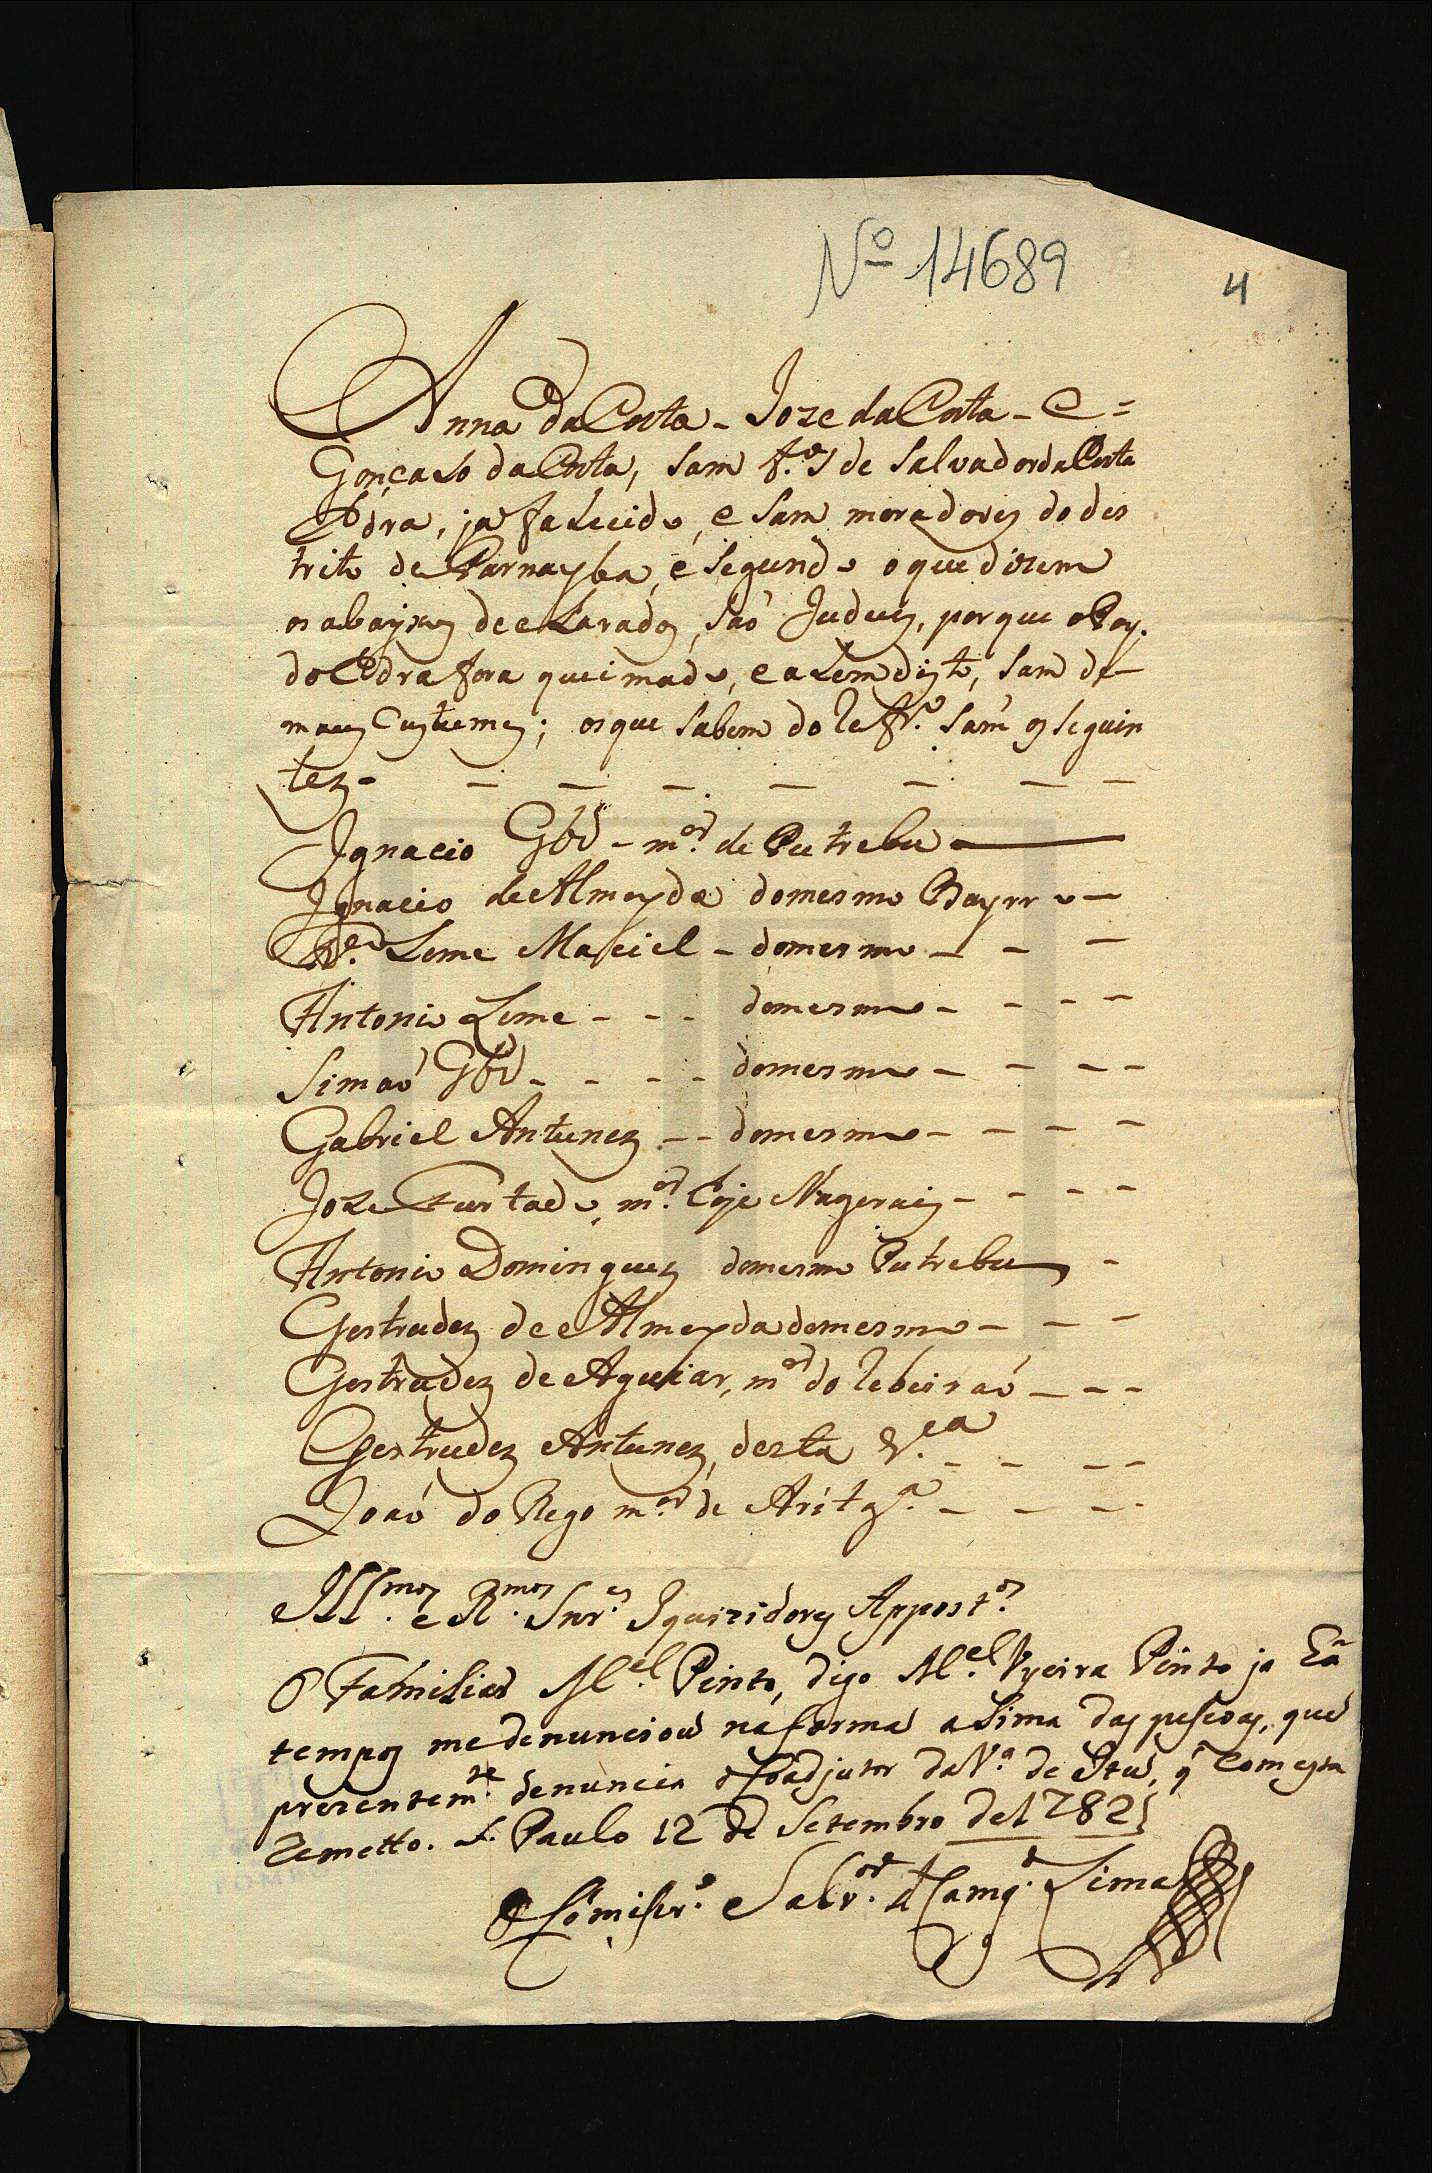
Anna da Costa - Ioze da Costa - e
Gonçalo da Costa, sam f.os de Salvador da Costa
Edra, ja falecido, e sam moradores do des
trito de Parnayba, e segundo o que dizem
os abayxos declarados, são Judeus, porque o Pay.
do Edra fora queimado, e alem disto, sam de
maus Custumes; os que sabem do Refr.o sam os seguin
tez.
Ignacio Glz -m.or de Putrebu
Jgnacio de Almeyda do mesmo Bayrro
V.o Leme Masciel do mesmo
Antonio Leme - - - do mesmo
Simaõ Glz. - - - - do mesmo
Gabriel Antunez - - do mesmo
Joze Furtado, m.or hoje Na gerais
Antonio Dominguez do mesmo Putrebu
Gestrudez de Almeyda do mesmo
Gestrudez de Aguiar, m.or do Rebeiraõ
Gertrudez Antunez, desta V.a
Joaõ do Rego m.or de Aritg.a
Ill.mos e R.mos Snr.es Iquizidores Appost.os
O Familiar M.el Pinto digo M.el Vyeira Pinto ja há
tempos me denunciou na forma asima das pessoas, que
prezentem.te denuncia o Coadjutor da V.a de Itu, q̄ com esta
Remetto. S. Paulo 12 de Setembro de 1782
O Comissr.o Salv.o d̄ Camg.o Lima
